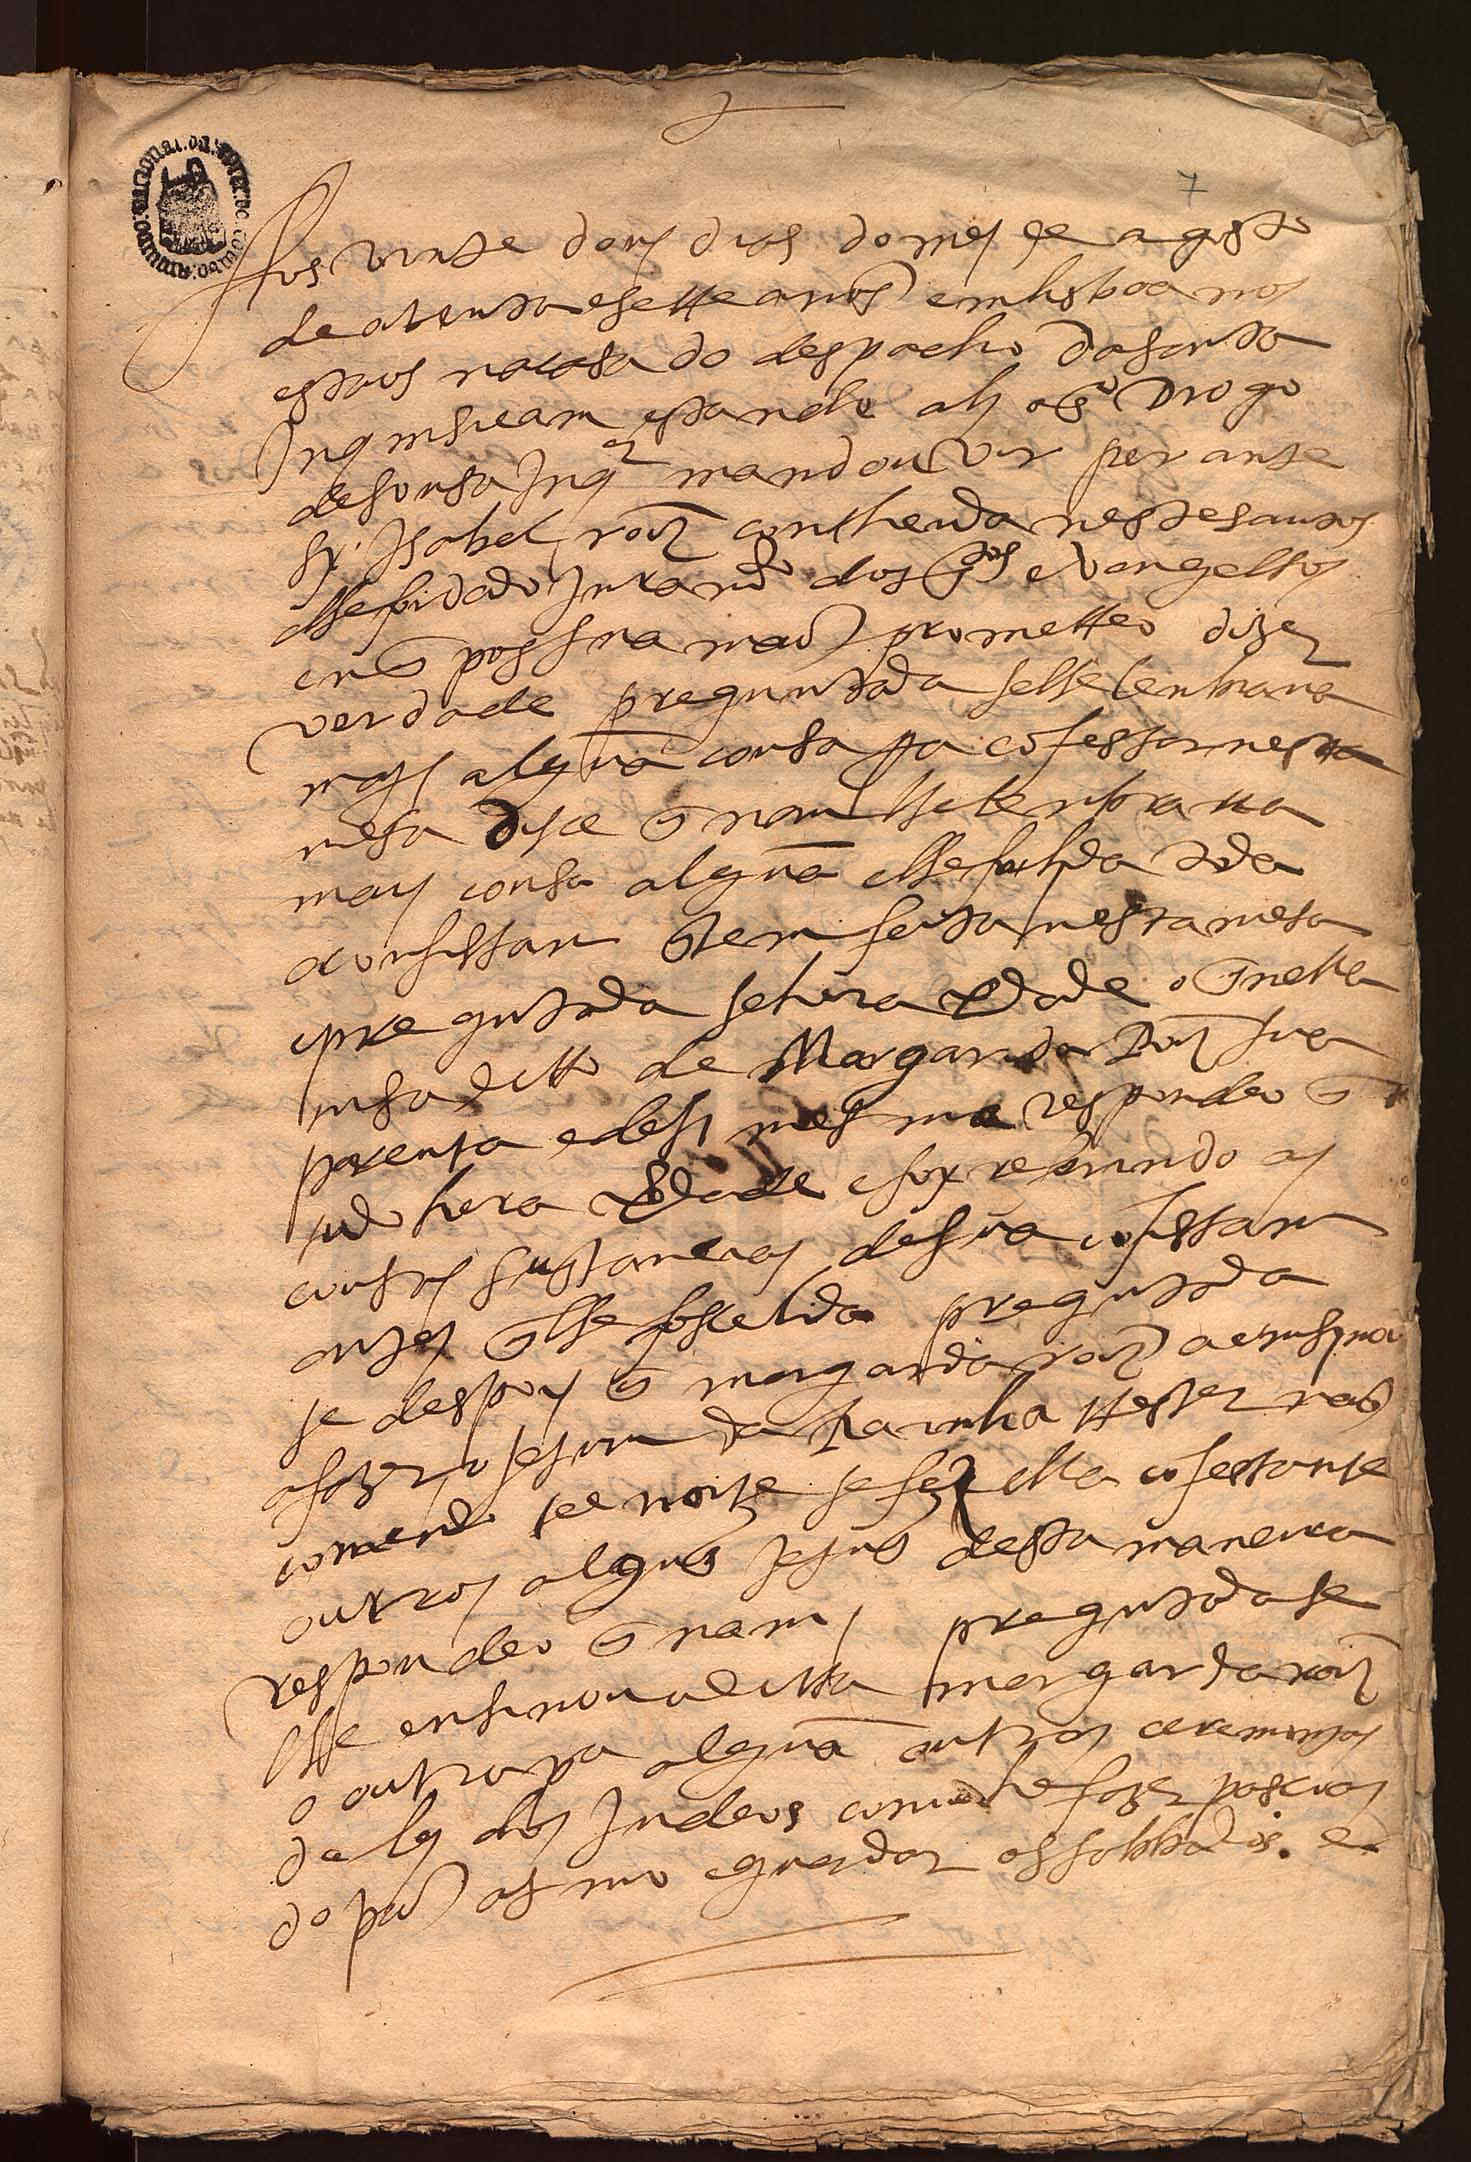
Aos vinte dous dias do mes de agosto
de oitenta e sette anōs em lisboa nos
estaos na casa do despacho da santa
Jnquisicam estando alj o sr Diogo
de sousa Jnqor mandou vir perante
sy Jsabel rōiz contheuda nestes autos
lhe foi dado Juramto dos stos evangelhos
en q̄ pos sua maõ prometteo dizer
verdade preguntada se lhe lembraua
majs algūa cousa ꝑa cofessar nesta
mesa disse q̄ nom lhe lembraua
mais cousa algūa e lhe foi ljda toda
a confissam q̄ tem feita nesta mesa
e pregutada se hera ꝟdade o q̄ nella
tinha ditto de Margarida Roīz sua
parenta e de si mesma respondeo q̄
tudo hera ꝟdade e foy referindo as
cousas sustancias de sua cōfisam
antes q̄ lhe fosse lida pregutada
se despois q̄ margarida roiz̄ a emsynou
a fazer o Jejum da Rainha Hester naõ
comendo tee noite se fez ella cōfessante
outros algūs Jejus̄ desta maneira
respondeo q̄ nam / pregutada se
lhe ensinou a ditta margarda roīz
o outra pa algūa outras ceremonjas
da lej dos Judeos como ho fazer pascoas
do paõ asmo e guardar os sabbados e
